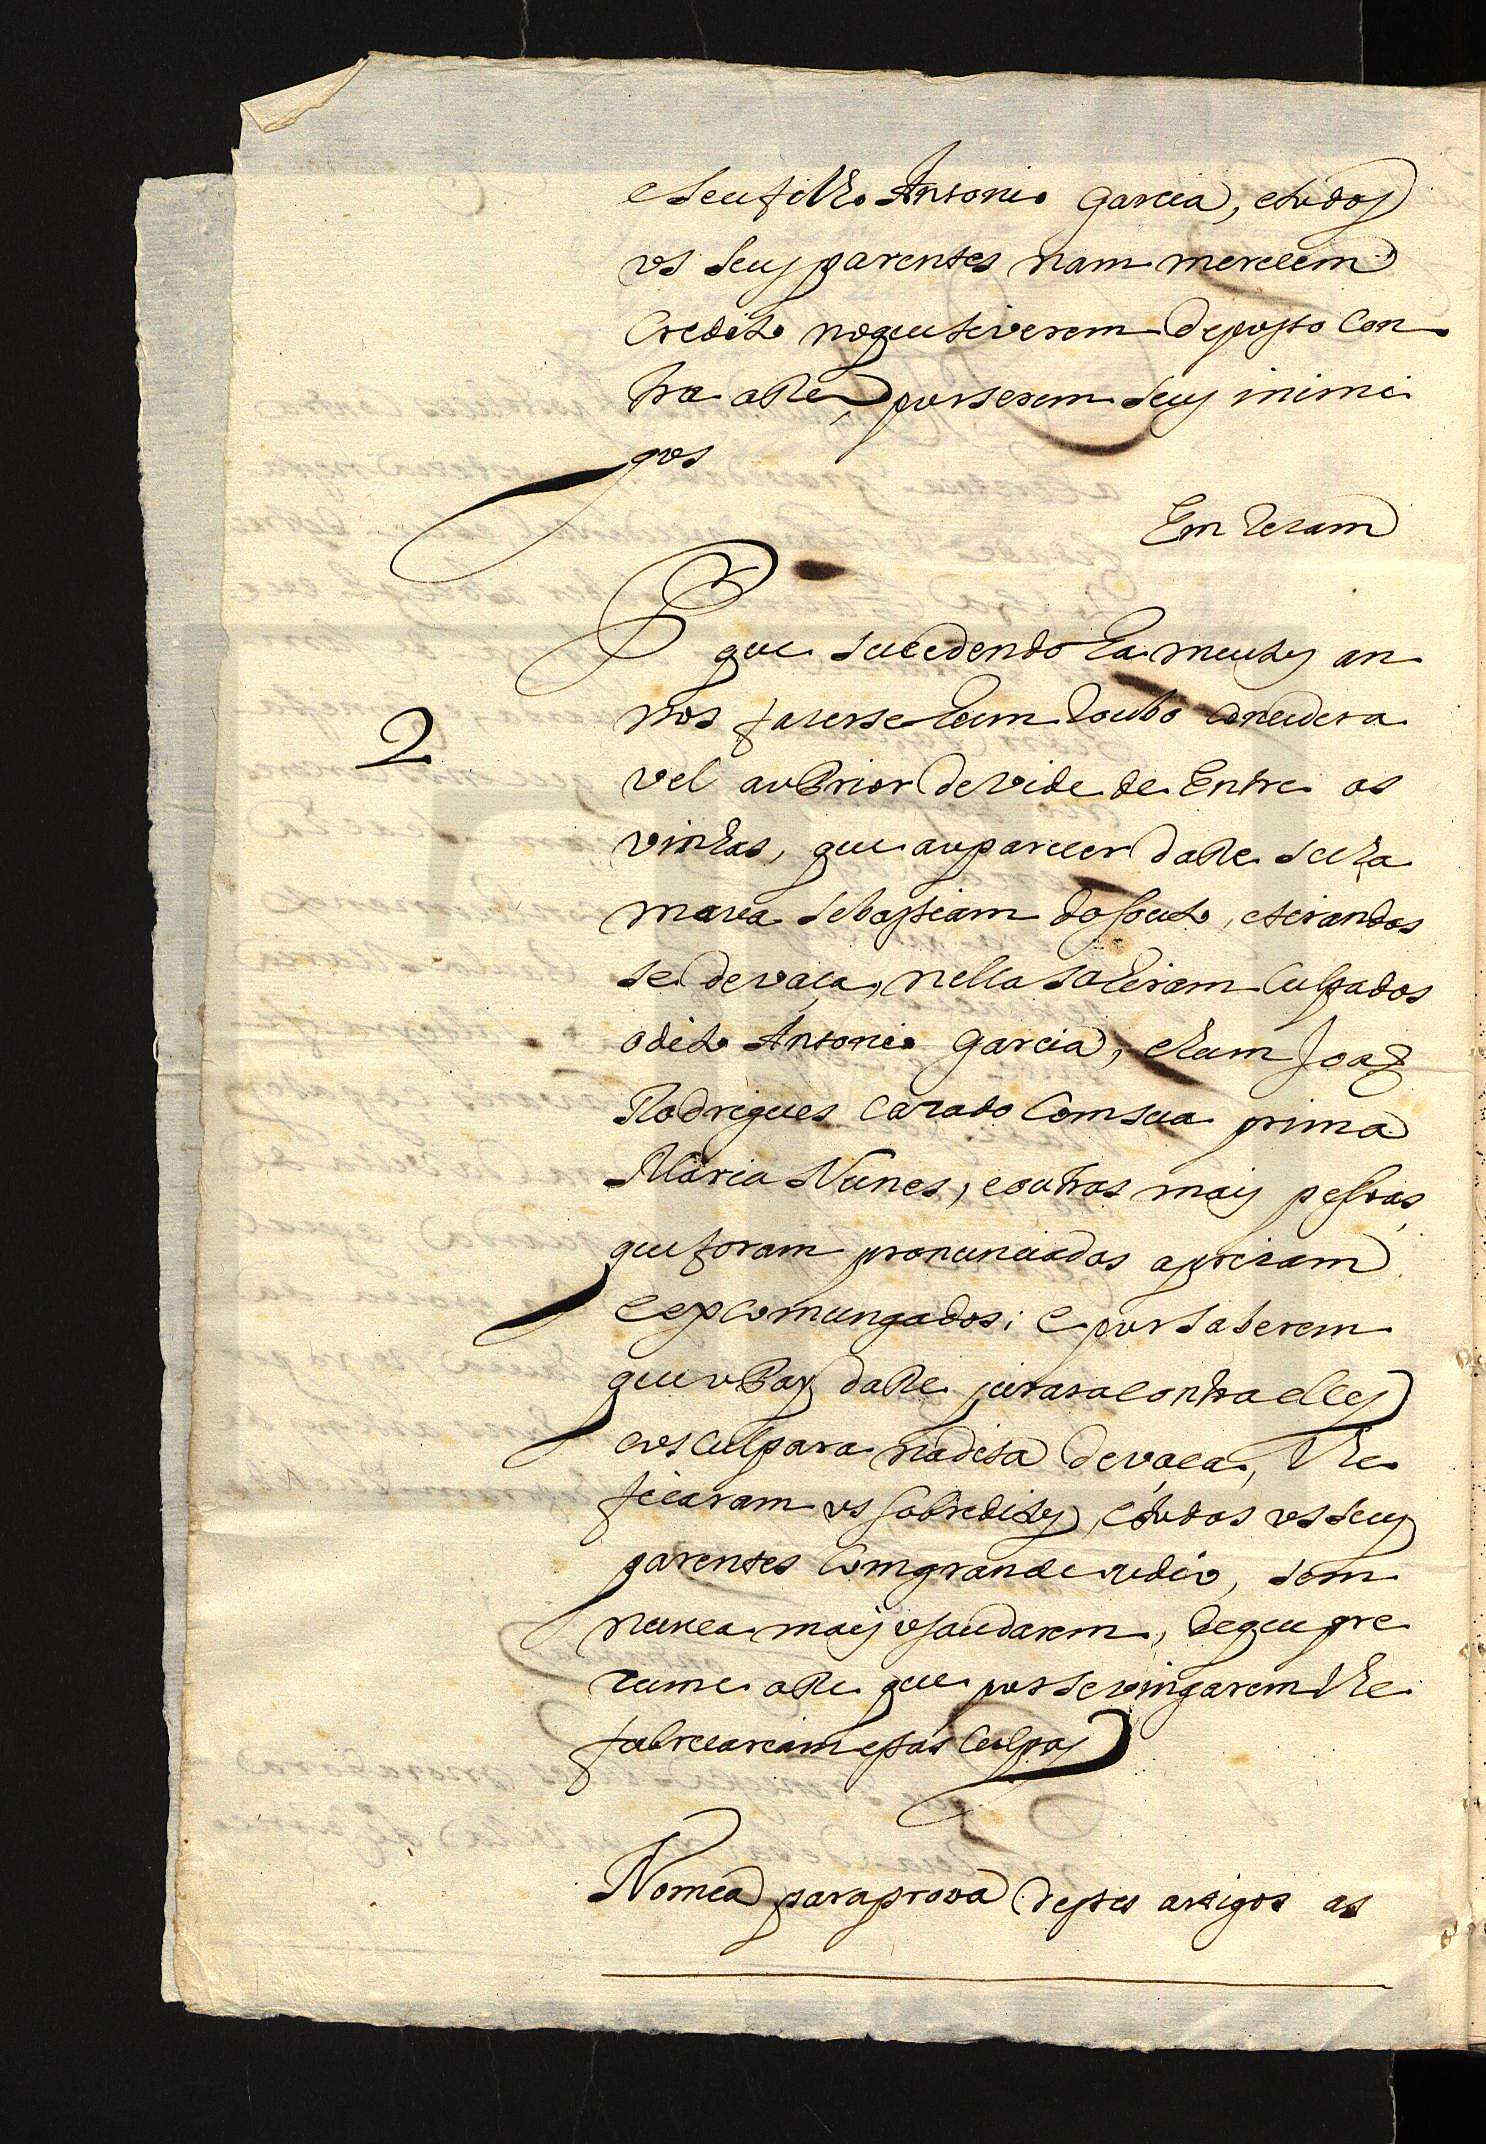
e seu filho Antonio garcia, e todos
os seus parentes nam merecem
credito no que tiverem deposto con
tra a Re, por serem seus inimi
gos
Em Rezam
P que sucedendo ha muitos an
nos fazerse hum Roubo considera
vel ao Prior de vide de Entre as
vinhas, que ao parecer da Re se cha
mava Sebastiam do Souto, e tirandos
se devaça, nella sahiram culpados
o dito Antonio garcia, e hum Joaõ
Rodrigues cazado com sua prima
Maria Nunes, e outras mais pessoas
que foram pronunciadas a prizam
e excomungados; e por saberem
que o Pay da Re jurata contra elles
e os culpara na dita devaça, lhe
ficaram os sobreditos, e todos os seus
parentes com grande odio, sem
nunca mais o saudarem, de que pre
zume a Re que porse vingarem lhe
fabrecaream estas culpas
Nomea para prova destes artigos as
